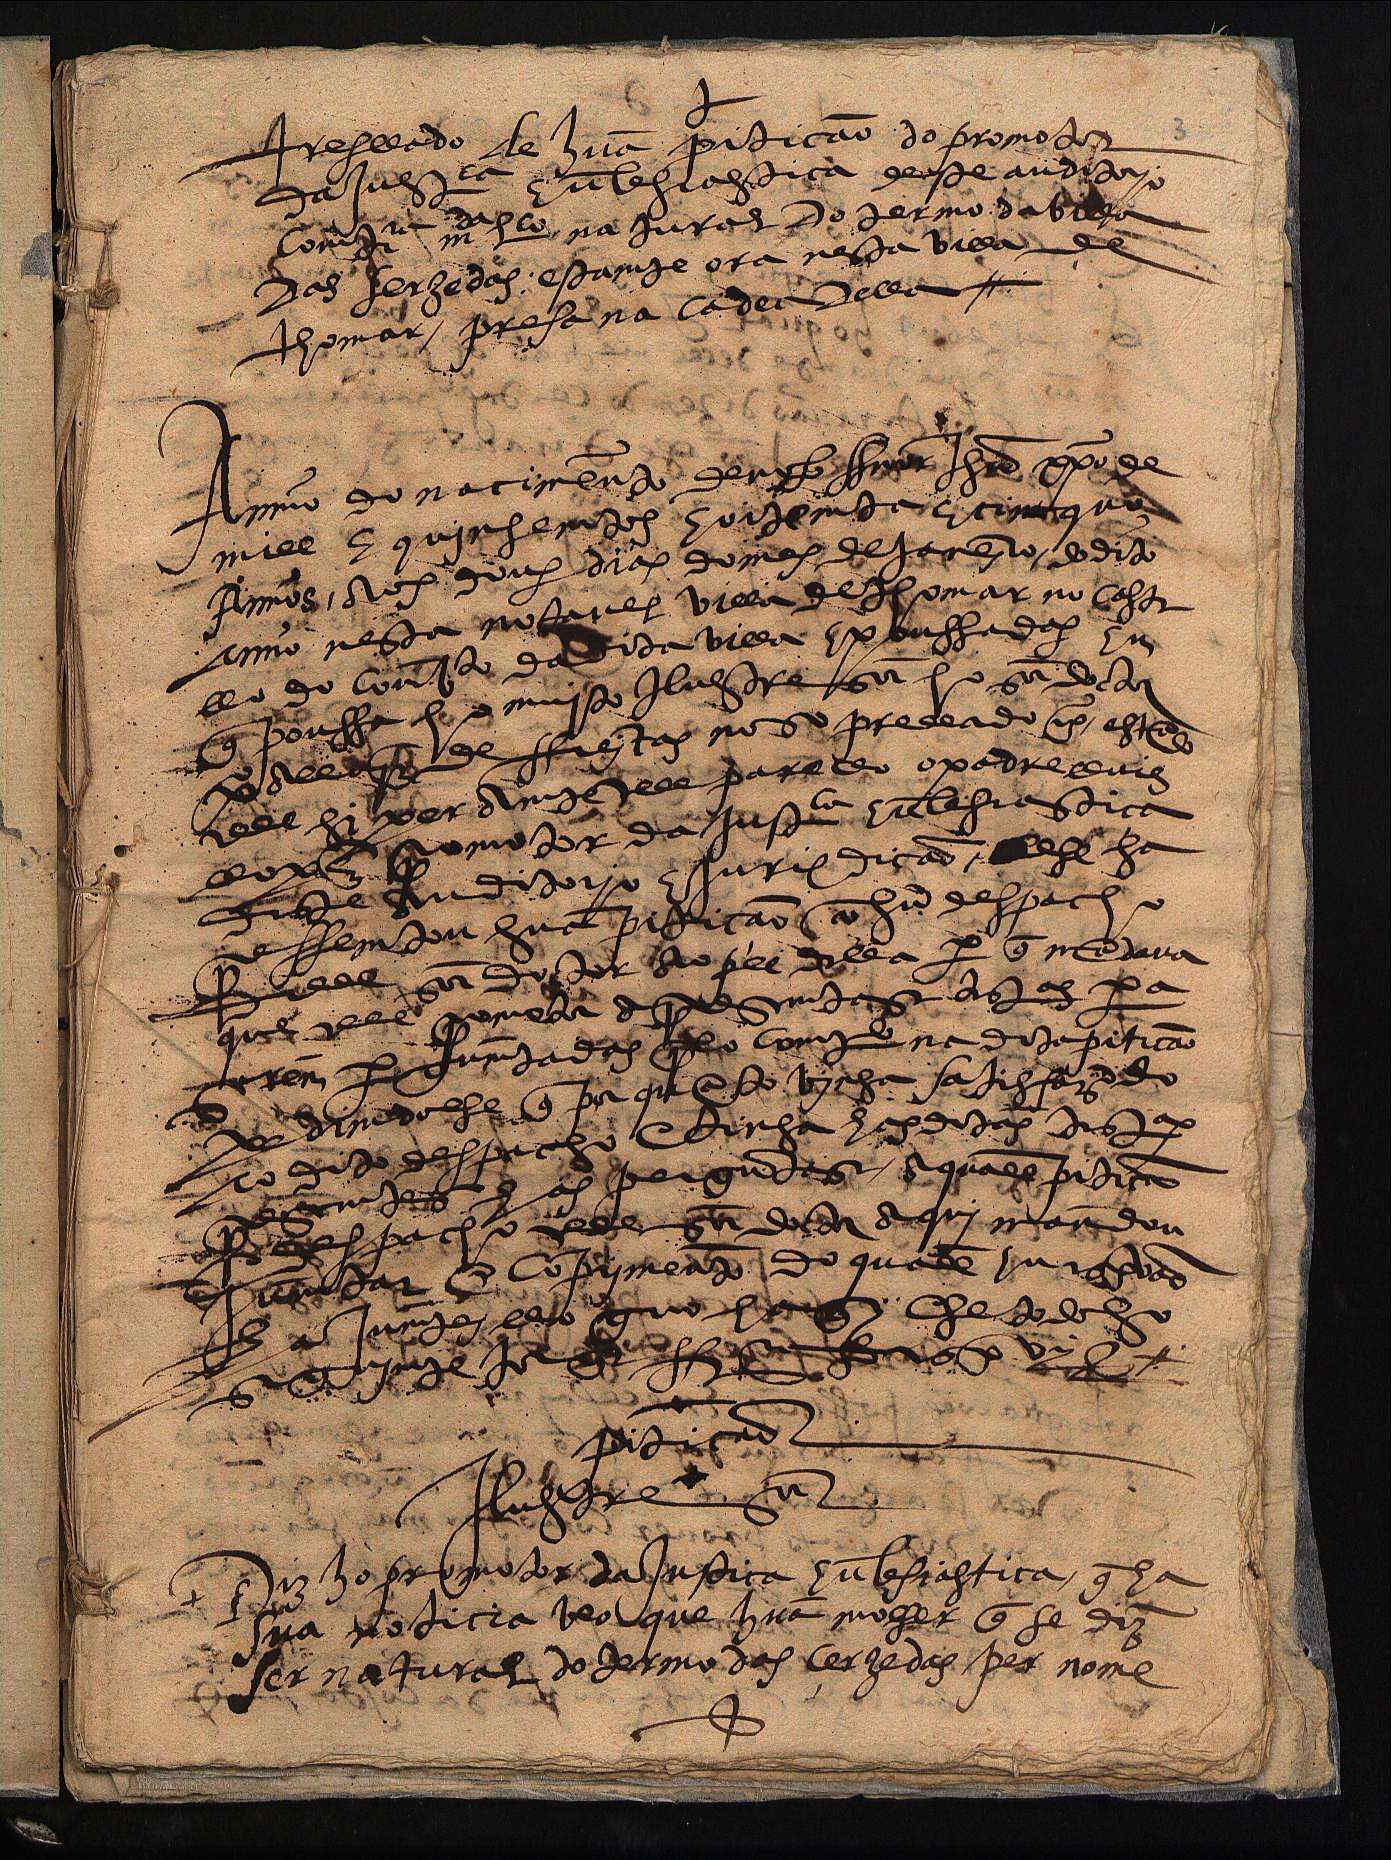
tresllado de huā piticão do promotor
da Justca Ecclesiastica deste auditorjo
Comtra mda Lco natural do termo da villa
das serzedas: estamte ora nesta villa de
thomar / presa na cadea della
Anno do nacimento de noso ssnor̄ Jhū xp̄o de
mill E qujnhemtos E oitemta E cimquo
Annōs, Aos dous dias do mes de Janejro / do dito
annō nesta notauel villa de thomar no caste
llo do con̄vto da dita villa E poussadas Em
q̄ poussa ho mujto Jlustre sor̄ ho sōr doctor
po Allur̄z de ffrejtas noso prellado c̄ꝭ / estādo
elle hi perAmte elle pareceo o padre lluis
llopes promotor da Justca Ecclesiastica
deste Auditorjo E Jurisdicaõ, _ lhe ha
pressemtou huā pitição c̄o hū despacho
delle sor̄ doctor Ao pee della ꝑ q̄ mādaua
que elle promotor Ap̄esemtase testas ꝑa
serem̄ ꝑgum̄tadas p̄lo comtdo na dita piticão
pedimdolhe q̄ porquāto vjnha satisfazēdo
ao dito despacho e tinha has ditas testas
p̄esemtes E as pergūtas / A quāll piticão
e despacho elle sōr doctor Aquj mandou
Jumtar ē Cōprjmento do quall Eu esp̄vão
ha Jumtej lloguo haq̄j e he todo ho
segujmte Jorge ffrra ho esp̄vy
piticão
Jlustre sōr
+ Diz ho promotor da Justica Ecclesiastica, q̄ ha
sua noticia veo que huā molher q̄ se diz̄
ser natural do termo das çerzedas per nome
